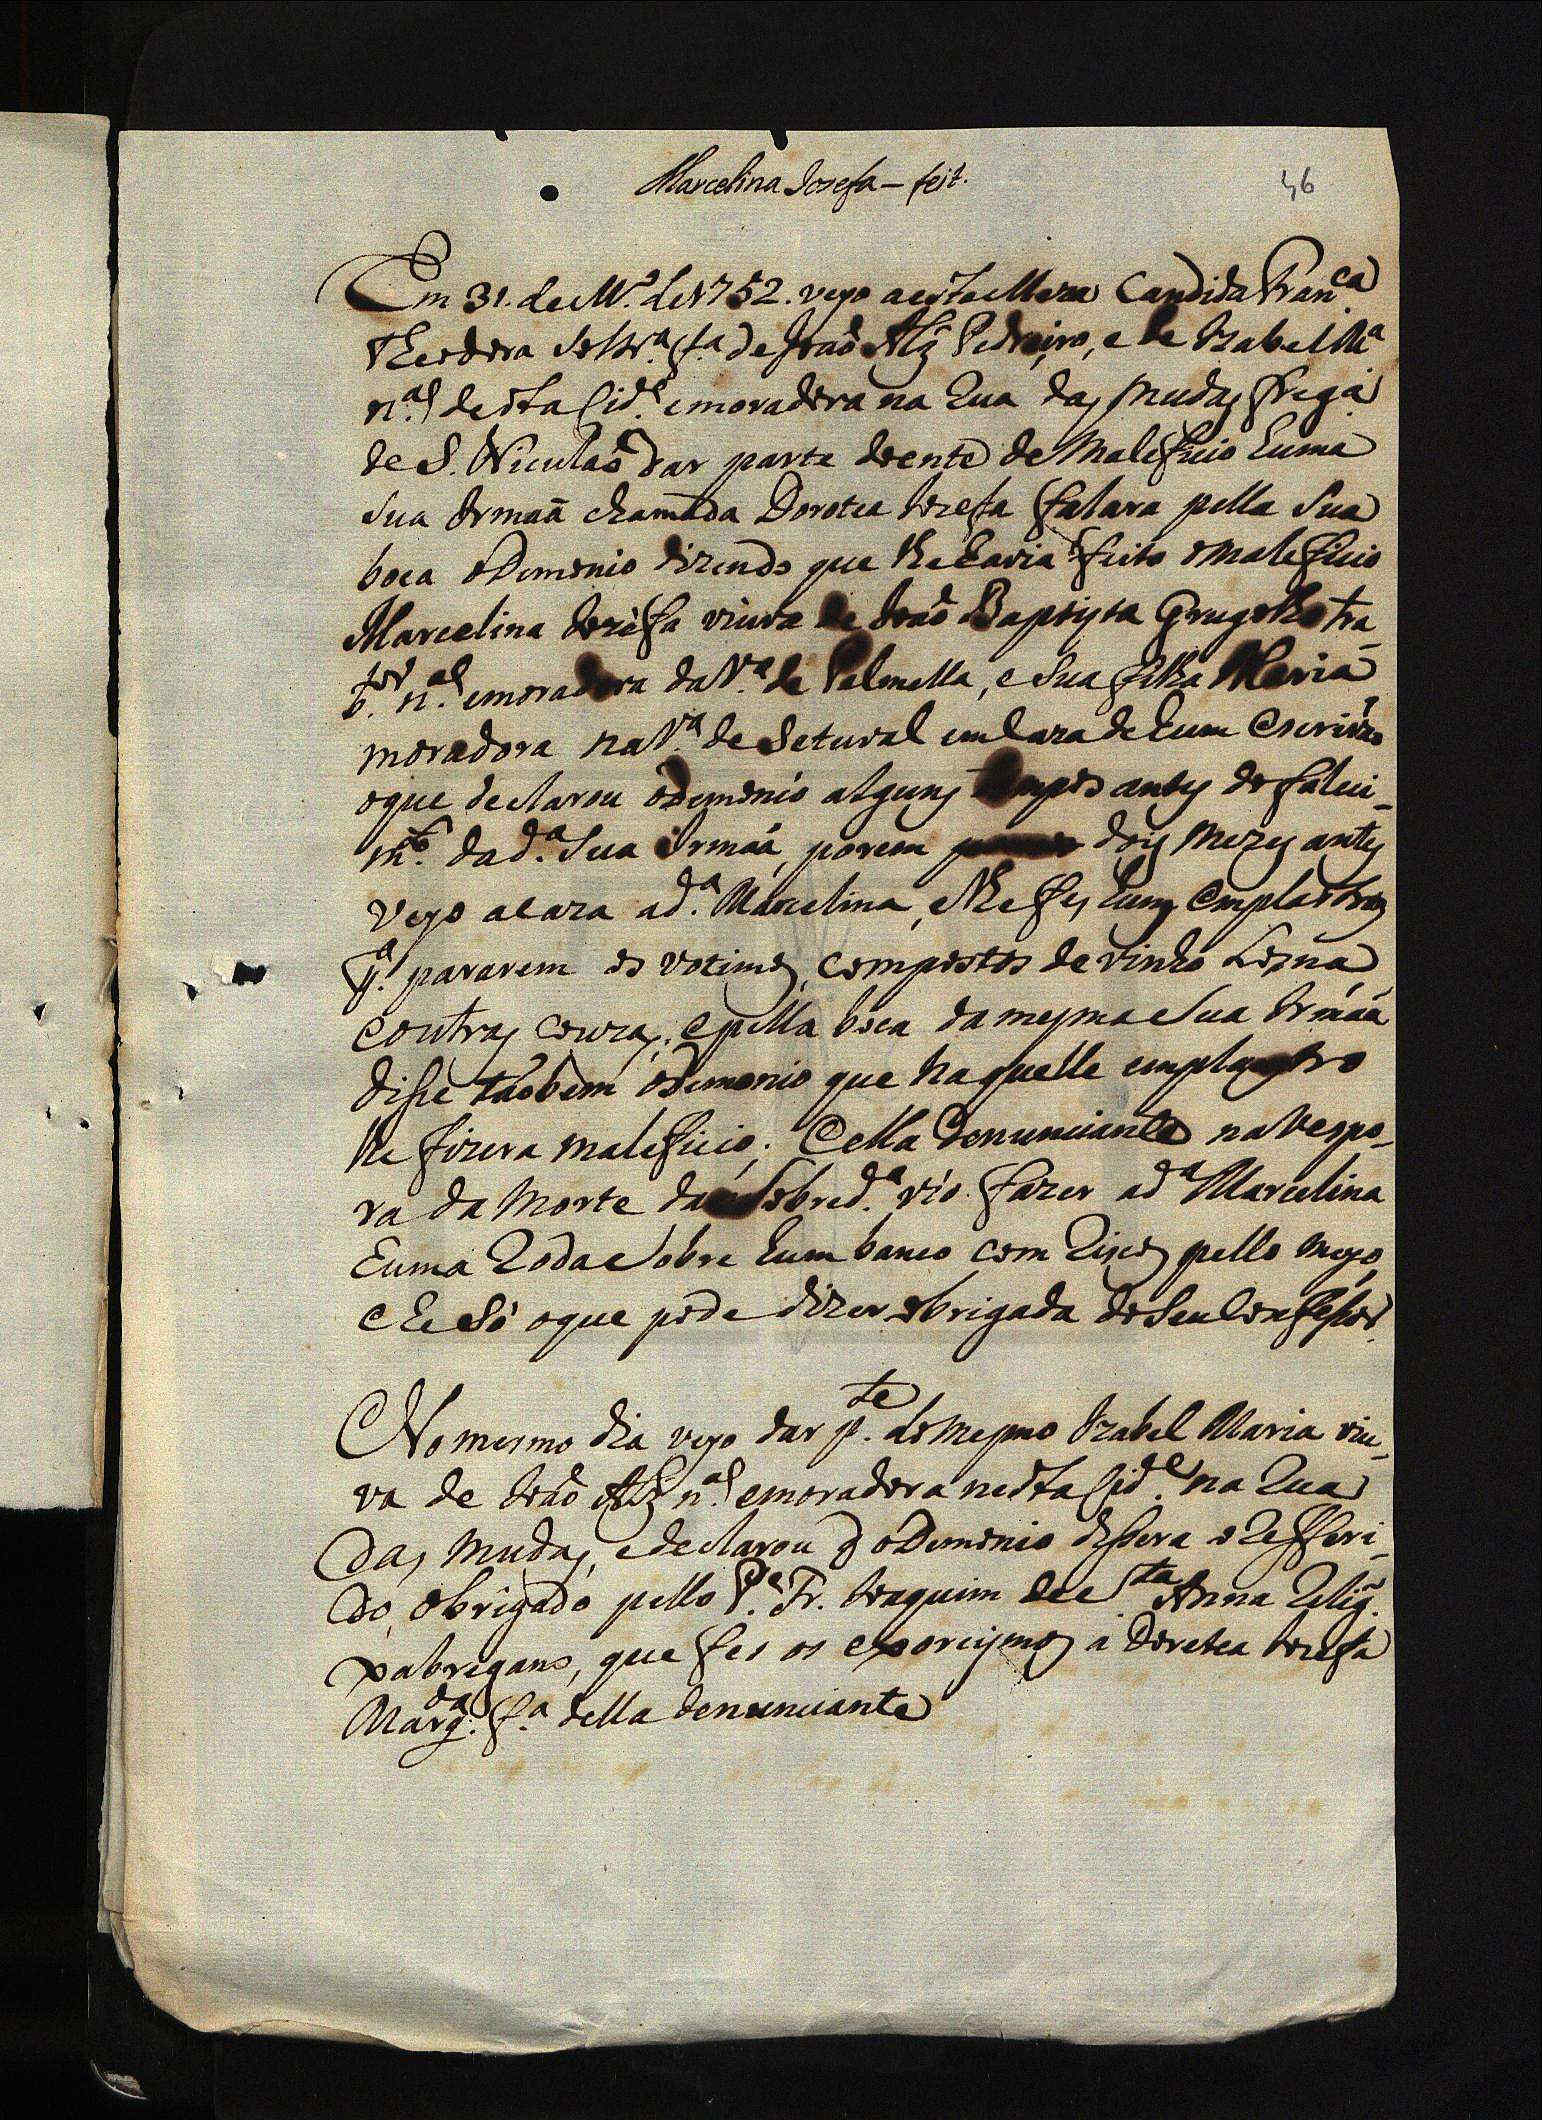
Marcelina Iosefa - feit.
Em 31. de M.o de 1752. veyo a esta Meza Candida Fran.ca
theodora soltr.a f.a de Joaõ Alz̄ Pedreiro, e de Izabel Ma
n.al desta Cid.e e moradora na Rua das mudas frega
de S. Niculaó dar parte doente de Maleficio huma
sua Irmaã chamada Dorotea Iozefa falara pella Sua
boca o Demonio dizendo que lhe havia feito o maleficio
Marcelina Iozéfa viuva de Ioaõ Baptista Grugolho tra
b̄.or n.al e moradora da V.a de Palmella, e Sua filha Maria
moradora na V.a de Setuval em Caza de hum escrivão
o que declarou o demonio alguns __mpos antes do faleci
m.to da d.a sua Irmaã, porem p__ dois mezes antes
veyo a caza a d.a Marcelina, e lhe fes huns Emplastroz
p.a pararem os votimos, compostos de vinho Losna,
e outras couzas, e pella boca da mesma Sua Irmaã
disse tãobem o demonio que naquelle emplastro
lhe fizera maleficio; e ella denunciante na vespo
ra da morte da Sobred.a vio fazer a da Marcelina
huma Roda Sobre hum banco com Riscos pello meyo,
e he só o que pode dizer obrigada do Seu Confessor
No mesmo dia veyo dar p.te do mesmo Izabel Maria viu
va de Ioão Alz̄ n.al e moradora nesta Cid.e na Rua
das mudas, e declarou q̄ o Demonio dissera o Refferi
do, obrigado pello P.e Fr. Ioaquim de S.ta Anna Reliḡ.
xabregano, que fes os exorcismos à Doretea Iozefa
Marg.da f.a della denunciante
